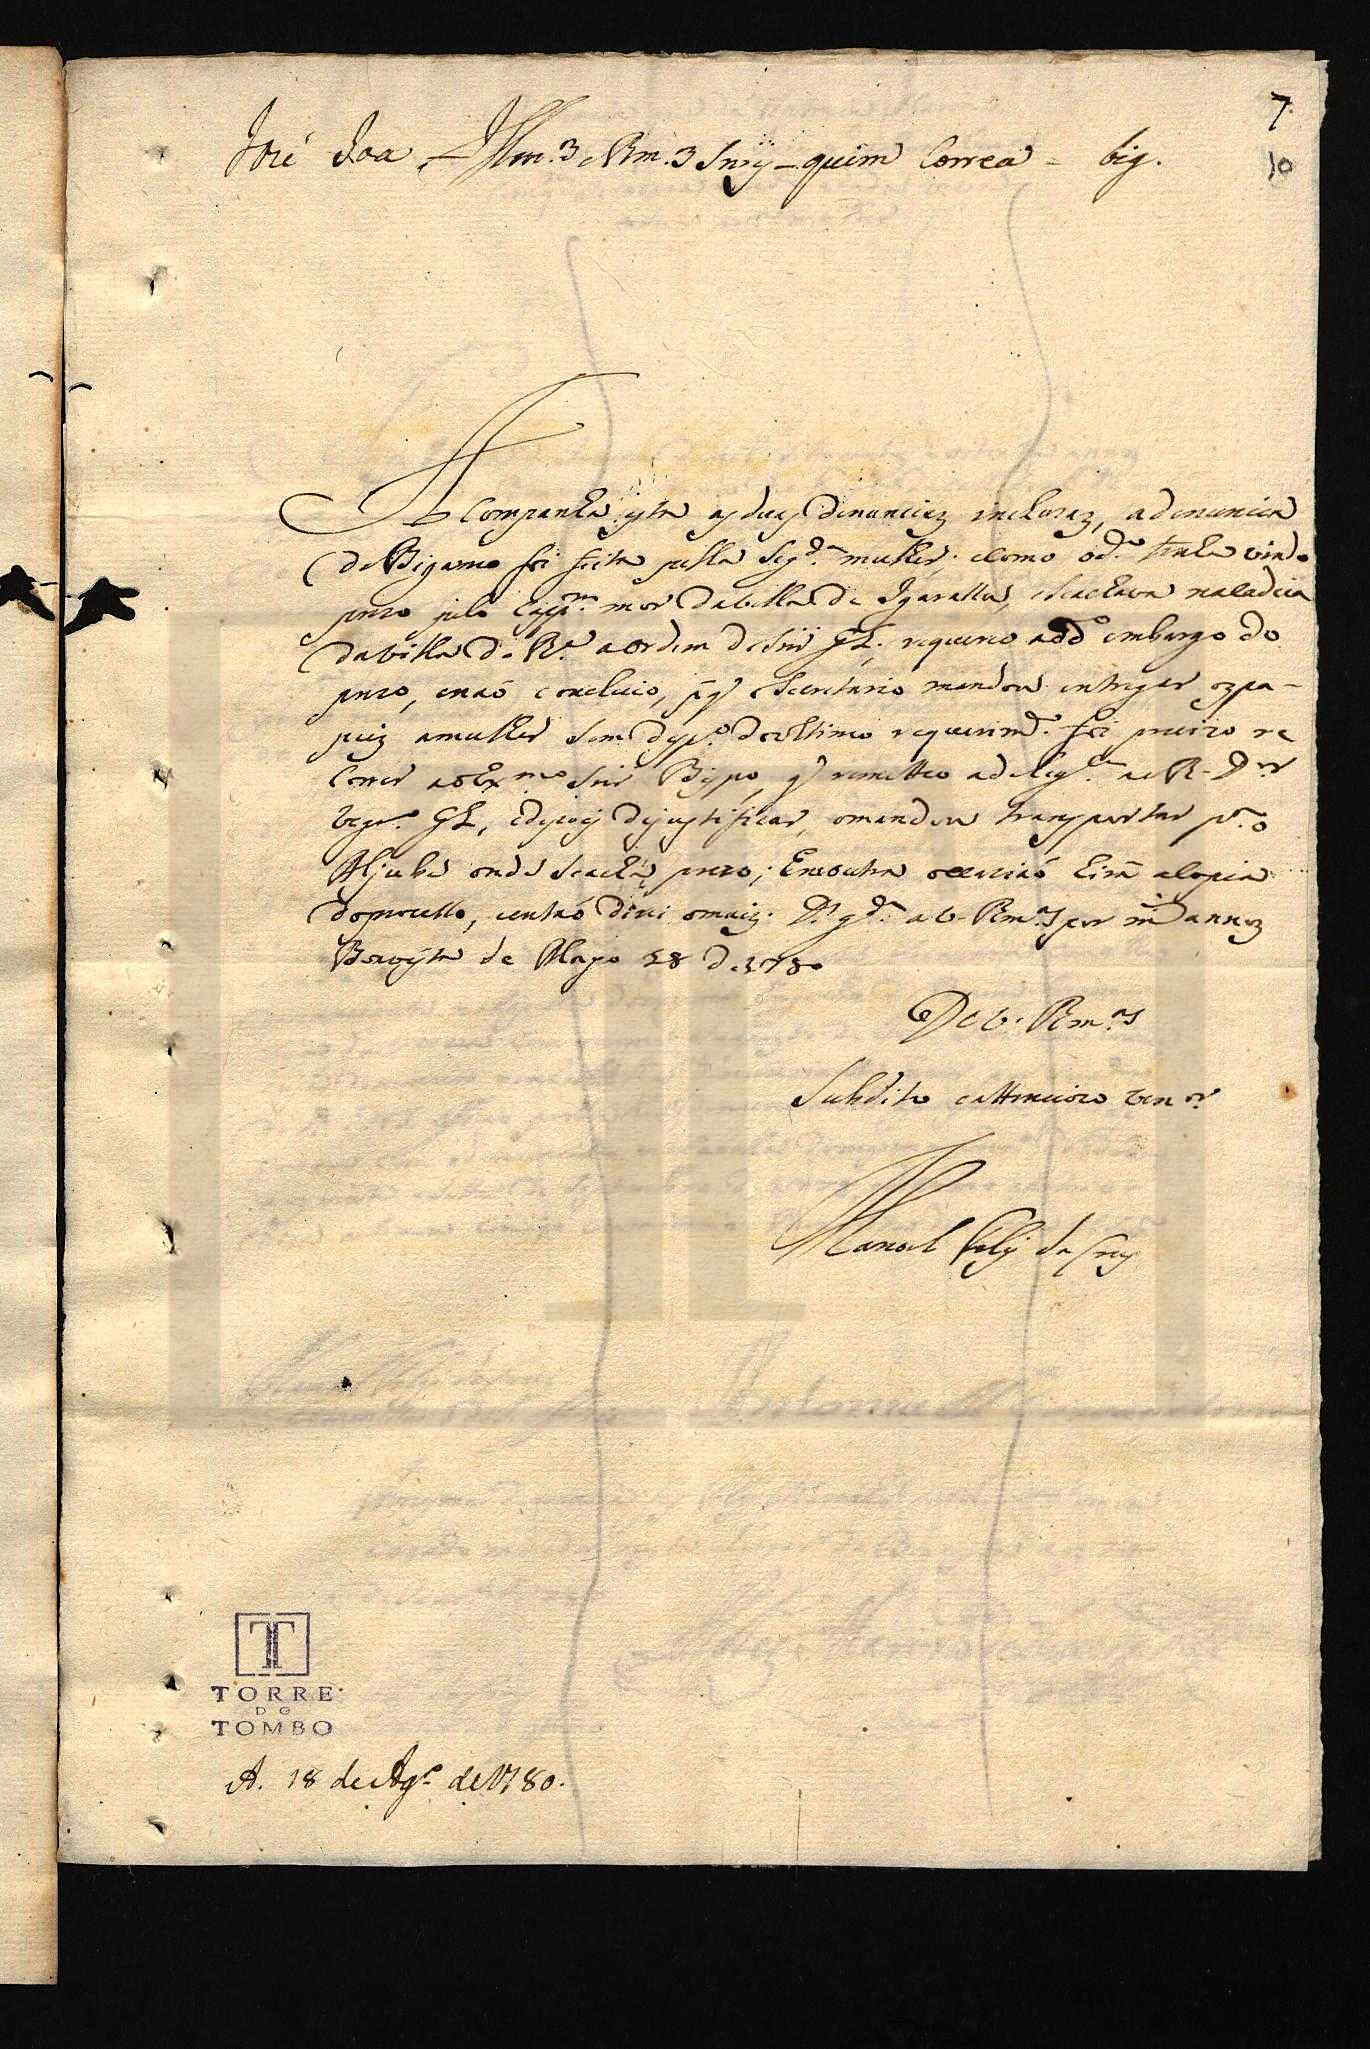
Iozé Joā
Illm.os e Rm.os Snres -quim Correa - vig.
Acompanha esta as duas denunciaz incluzaz, a denuncia
de Bigamo foi feita pella seg.da mulher; e como o d.o tinha vindo
prezo pelo Capp.m mor da villa de Igarassu, e se achava na cadeia
da villa do R.a a ordem do Snr̄ GL; requereo ao do embargo do
prezo, e naõ concluio, p̄q o Secretario mandou entregar os pa
peiz a mulher sem desp.o do vltimo requerim.to foi precizo re
Correr ao Ex.mo Snr̄ Bispo, q̄ remetteo a delig.a ao R. D.or
Vigr.o GL, e depois de justificar, o mandou transportar p.a o
Aljube onde se acha prezo; Em outra occaziaõ hirá a Copia
do processo, e entaõ direi o maiz. D.s gde a v. Rm.as por m̄ annoz
Boa vista de Mayo 28 de 1780
De V. Rm.as
Subdito e attenciozo veno.r
Manoel Felis da Crus
A. 18 de Ag.o de 1780.
